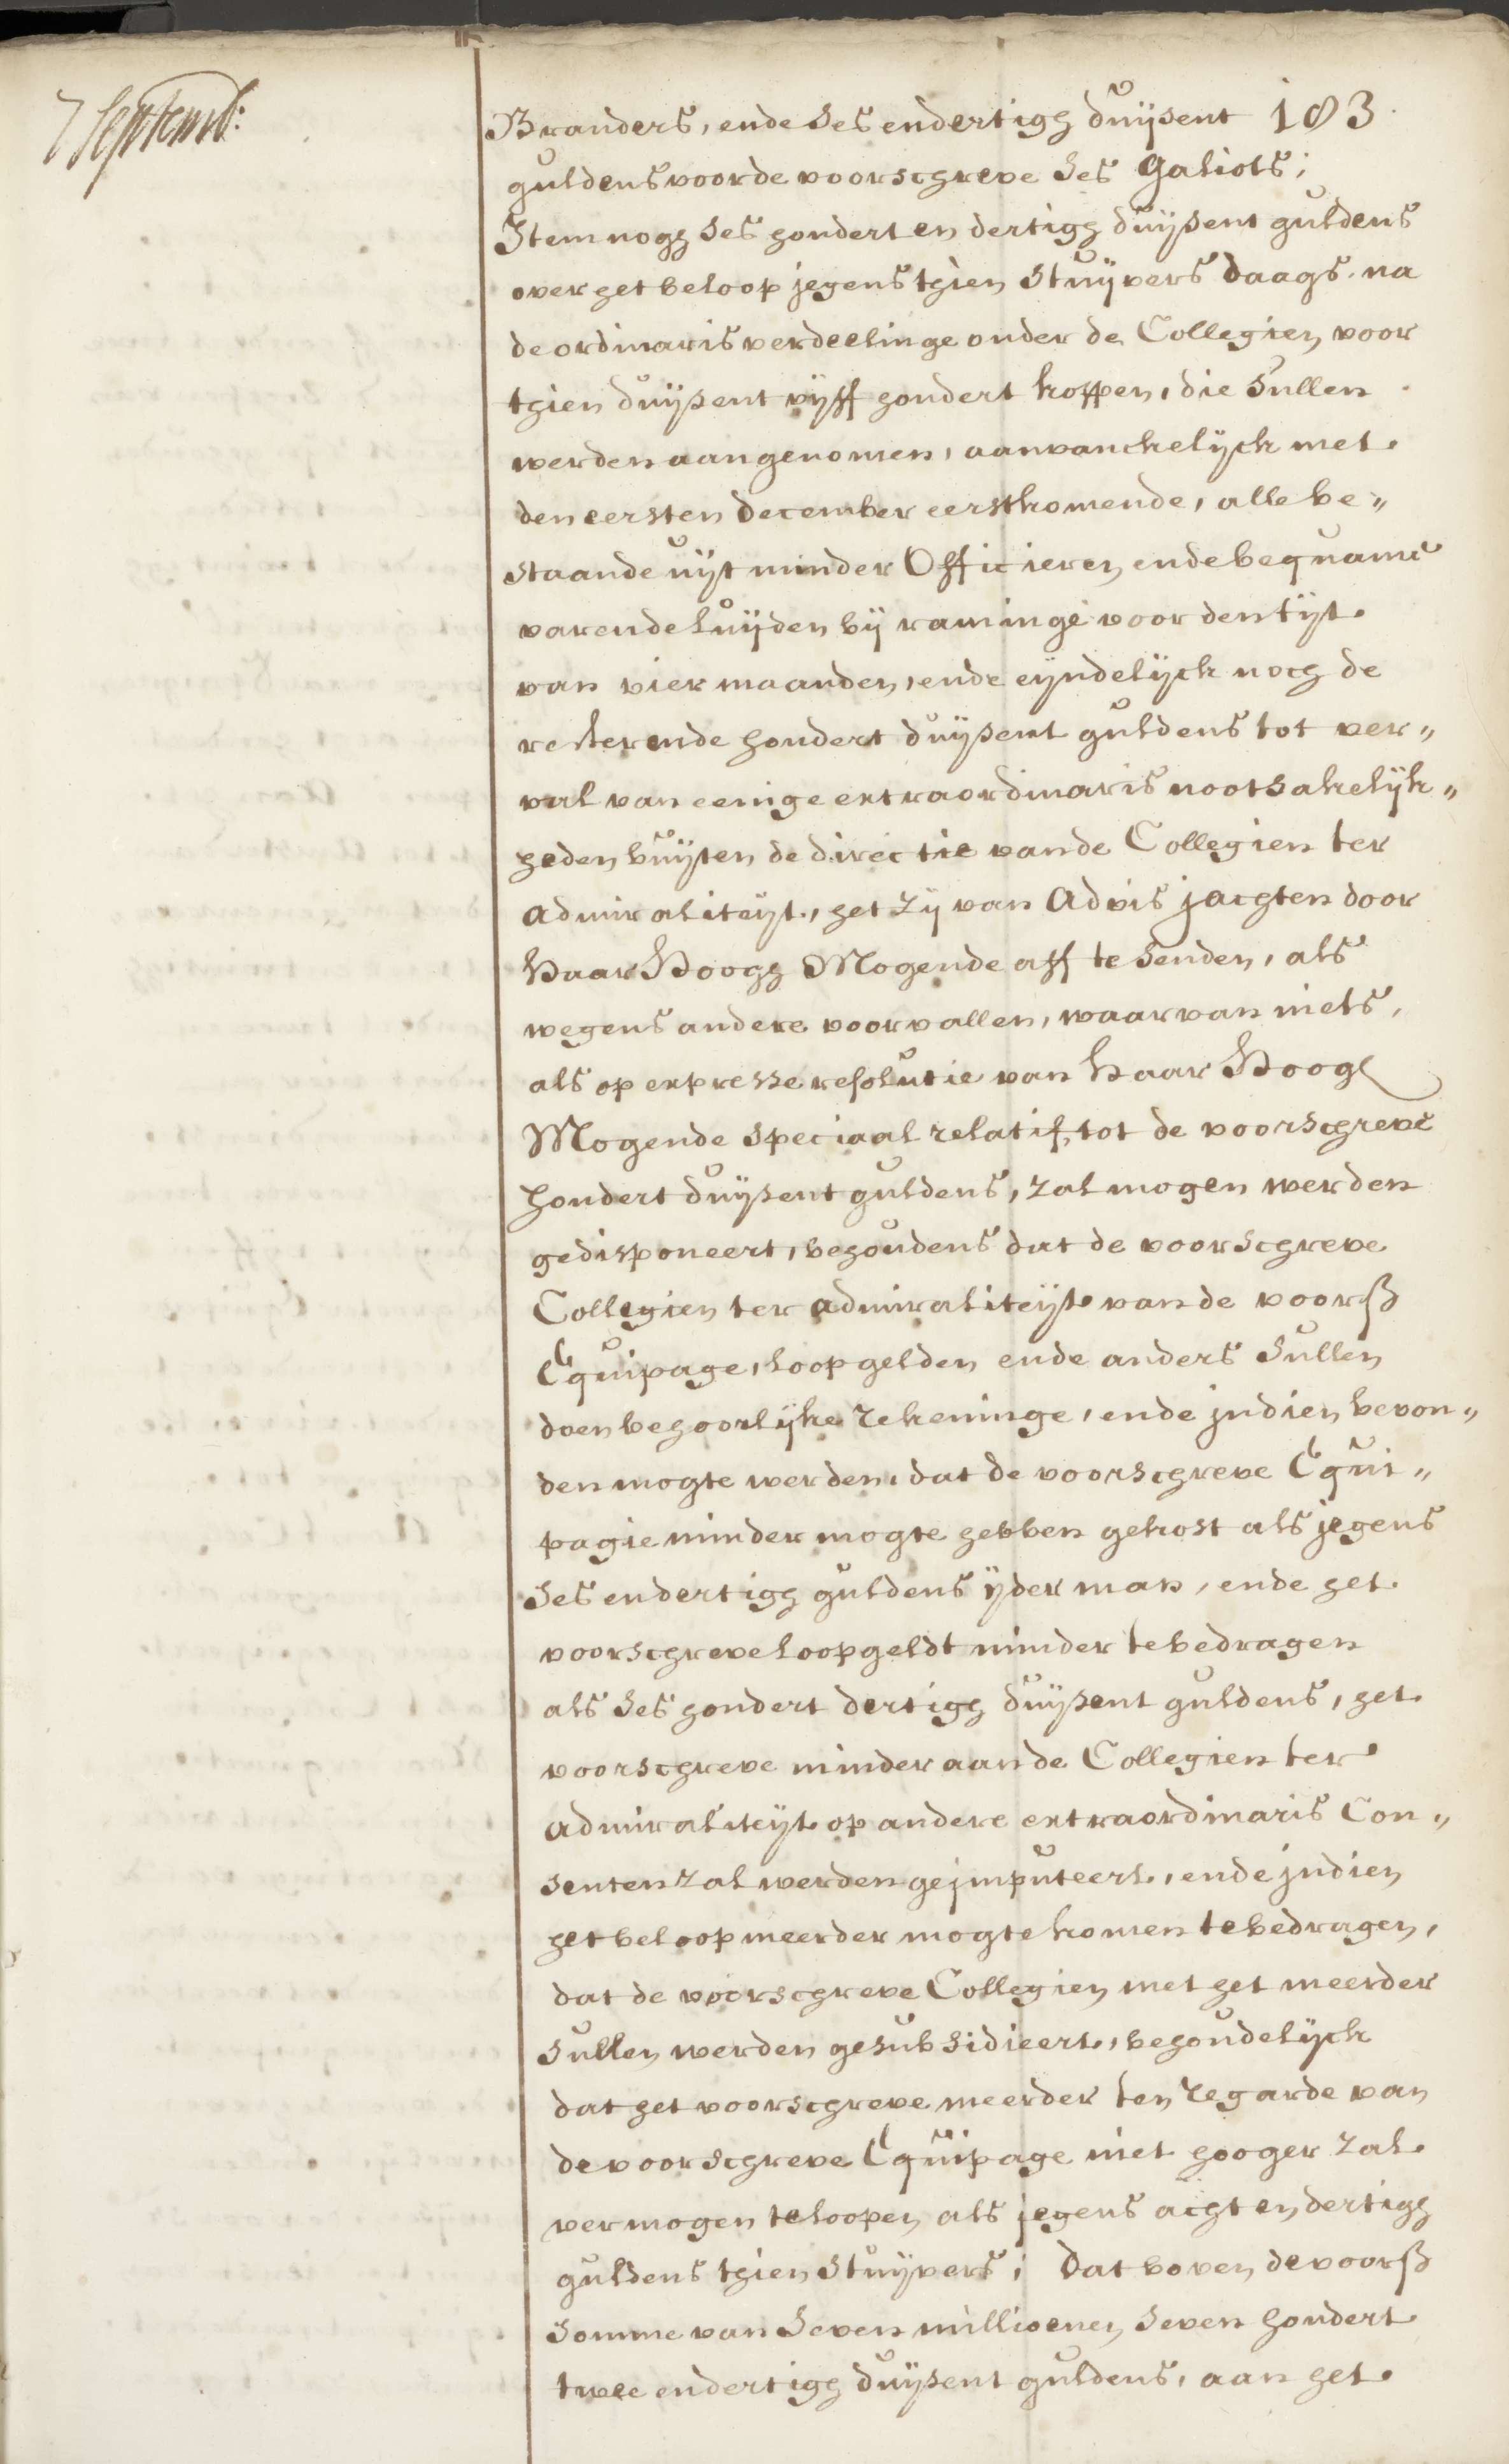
183
7 Septemb:
Branders, ende Ses endertigh duijsent
guldens voor de voorschreve Ses Galiots;
Item nogh Ses hondert en dertigh duijsent guldens
over het beloop jegens thien Stuijvers daags, na
de ordinaris verdeelinge onder de Collegien voor
thien duijsent vijff hondert koppen, die sullen
werden aangenomen, aanvanckelijck met
den eersten december eerstkomende, alle be„
staande uijt minder Officieren ende bequame
varende luijden bij raminge voor den tijt
van vier maanden, ende eijndelijck noch de
resterende hondert duijsent guldens tot ver„
val van eenige extraordinaris nootsakelijk„
heden buijten de directie vande Collegien ter
admiraliteijt, het zij van Advis Jachten door
Haare Hoogh Mogende aff te senden, als
wegens andere voorvallen, waarvan niets
als op expresse resolutie van Haar Hoogh
Mogende speciaal relatif, tot de voorschreve
hondert duijsent guldens, zal mogen werden
gedisponeert, behoudens dat de voorschreve
Collegien ter admiraliteijt vande voors
Equipage, loopgelden ende anders sullen
doen behoorlijke rekeninge, ende Indien bevon„
den mogte werden, dat de voorschreve Equi„
pagie minder mogte hebben gekost als jegens
ses endertigh guldens ijder man, ende het
voorschreve loopgeldt minder te bedragen
als Ses hondert dertigh duijsent guldens, het
voorschreve minder aan de Collegien ter
admiraliteijt op andere extraordinaris Con„
senten zal werden geimputeert, ende Indien
het beloop meerder mogte komen te bedragen,
dat de voorschreve Collegien met het meerder
sullen werden gesusidieert, behoudelijck
dat het voorschreve meerder ten regarde van
de voorschreve Equipage niet hooger zal
vermogen te loopen als jegens achtendertigh
guldens thien Stuijvers; dat boven de voors
somme van Seven millioenen, Seven hondert
twee endertigh duijsent guldens, aan het
